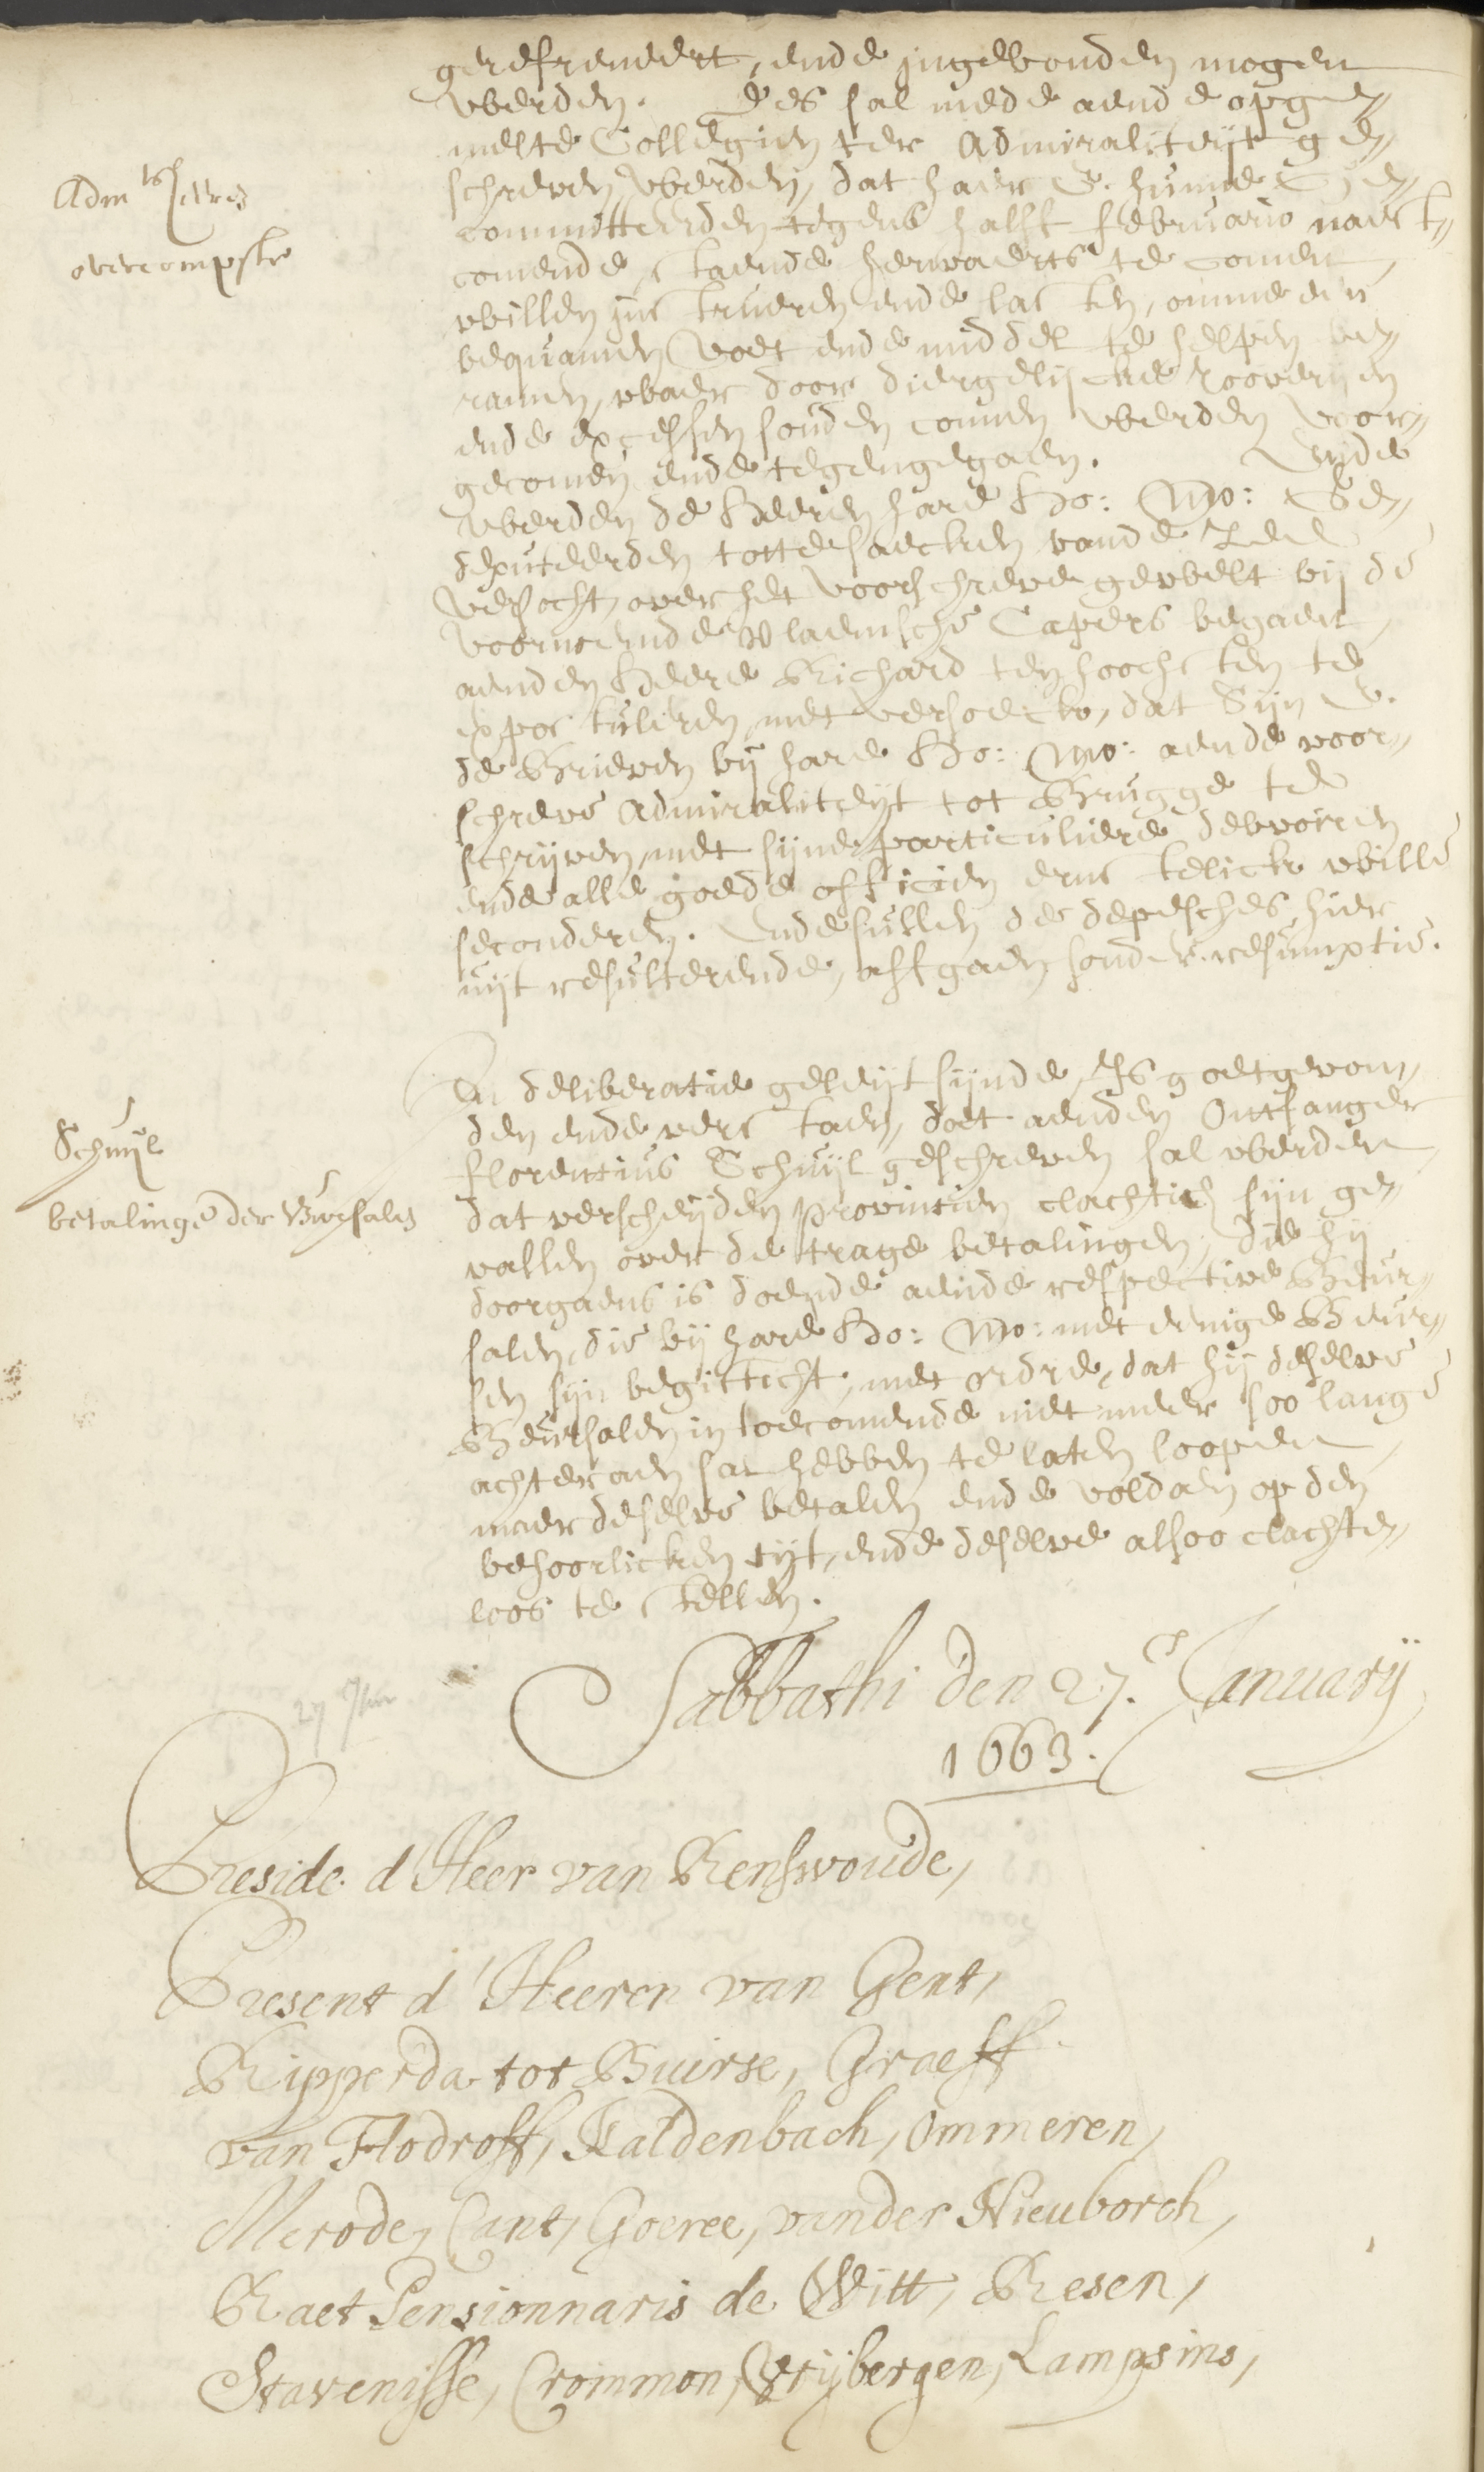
Admtsheeren
overcompste
gerefreneert, ende ingebonden mogen
werden. Des sal mede aende opge„
melte Collegien ter Admiraliteijt ge„
schreven werden, dat haer E. hunne ge„
committeerden tegens halff februario naest„
comende staende herwaerts te comen,
willen instrueren ende lasten, omme een
bequamen voet ende middel te helpen be„
ramen, waer door diergelijcke rooverijen
ende excessen souden connen werden voor„
gecomen ende tegengegaen. Ende
werden de Heeren hare Ho:Mo: Ge„
deputeerden totte saecken vande Zee
versocht, over het voorschreve gewelt bij de
voornoemde Vlaemsche Capers begaen,
aenden Heere Richard ten hoochsten te
Expostuleren met versoeck, dat sijn E.
de Brieven bij hare Ho:Mo: aen de voor„
schreve Admiraliteijt tot Brugge te
schrijven met sijne particuliere debvoiren
ende alle goede officien ernstelick wille
seconderen. Ende sullen de depesches hier
uijt resulterende, affgaen sonder resumptie.
Schuijl
betalinge der Bursalen
In deliberatie geleijt sijnde, Is goetgevon„
den ende verstaen, dat aenden Ontfanger
florentius Schuijl geschreven sal werden
dat verscheijden provintien clachtich sijn ge„
vallen over de trage betalingen; die hij
doorgaens is doende aende respective Beur„
salen, die bij hare Ho:Mo: met eenige Beur„
sen sijn begifticht; met ordre, dat hij deselve
Beursalen in toecomende niet meer soo lange
achteraen sal hebben te laten loopen
maer deselve betalen ende voldaen opden
behoorlicken tijt, ende deselve alsoo clachte„
loos te stellen.
Sabbathi den 27e. Januarij
1663.
Preside d‛Heer van Renswoude,
Present d‛Heeren van Gent,
Ripperda tot Buirse, Graeff
van Flodroff, Kaldenbach, Ommeren,
Merode, Cant, Goeree, van der Nieuborch,
Raet Pensionnaris de Witt, Resen,
Stavenisse, Crommon, Vrijbergen, Lampsins,
